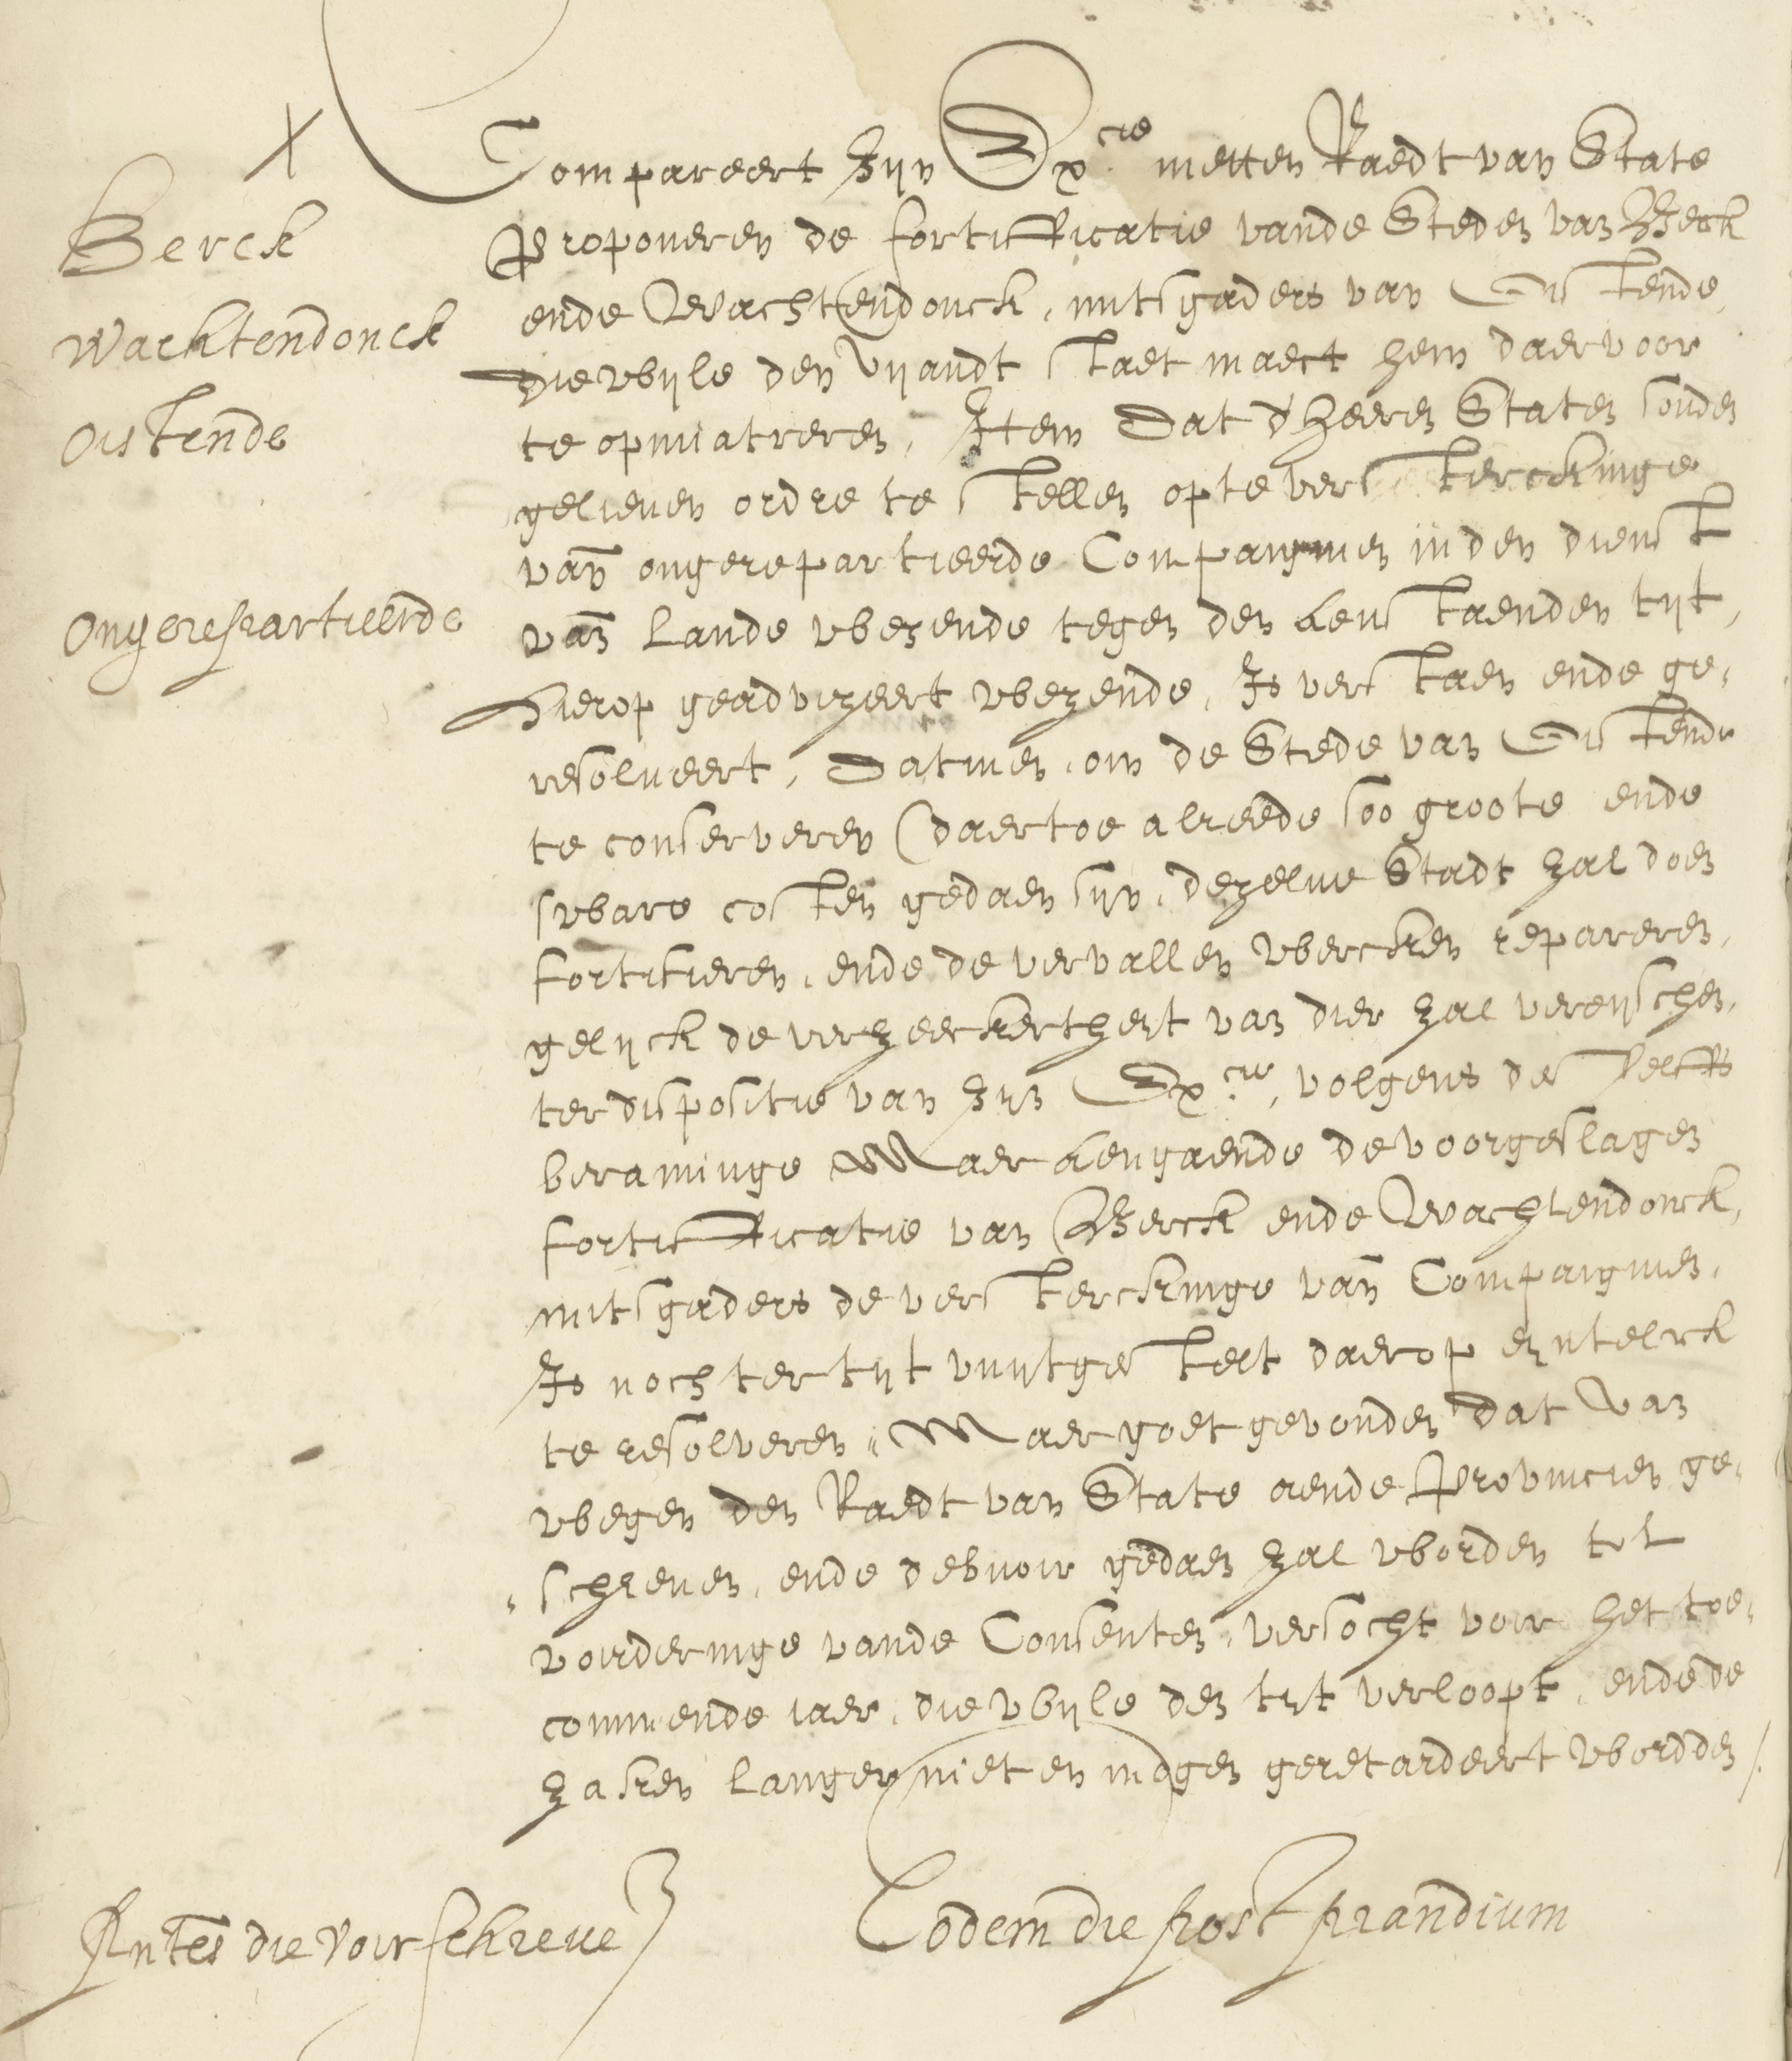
Berck
Wachtendonck
Oistende
ongerepartieerde
Compareert zyn Excie. metten Raedt van State
proponeren de fortifficatie vande Steden van Berk
ende Wachtendonck, mitsgaders van Oistende
diewyle den vyandt staet maect hem daervoor
te opiniatreren. Item dat d‛heeren Staten souden
gelieuen ordre te stellen opte versterckinge
van ongerepartieerde Compaignien in den dienst
van Lande wezende tegen den aenstaenden tyt,
Hierop geadvizeert wezende, Is verstaen ende ge„
resolueert, datmen, om de Stede van Oistende
te conserveren (daertoe alreede soo groote ende
sware costen gedaen syn, dezelue Stadt zal doen
fortifieren, ende de vervallen wercken repareren,
gelyck de verzeeckertheyt van dier zal vereyschen,
ter dispositie van zyn Excie. volgens desselffs
beraminge. Maer aengaende de voorgeslagen
fortifficatie van Berck ende Wachtendonck,
mitsgaders de versterckinge van Compaignien,
Is noch ter tyt vuytgestelt daerop eyntelick
te resolveren, Maer goetgevonden dat van
wegen den Raedt van State aende Provincien ge„
„schreven, ende debuoir gedaen zal worden tot
voirderinge vande Consenten, versocht voir het toe„
commende iaer, die wyle den tyt verloopt, ende de
zaken langer niet en mogen geretardeert wordden.
Pntes die voirschreue.
Eodem die post prandium
